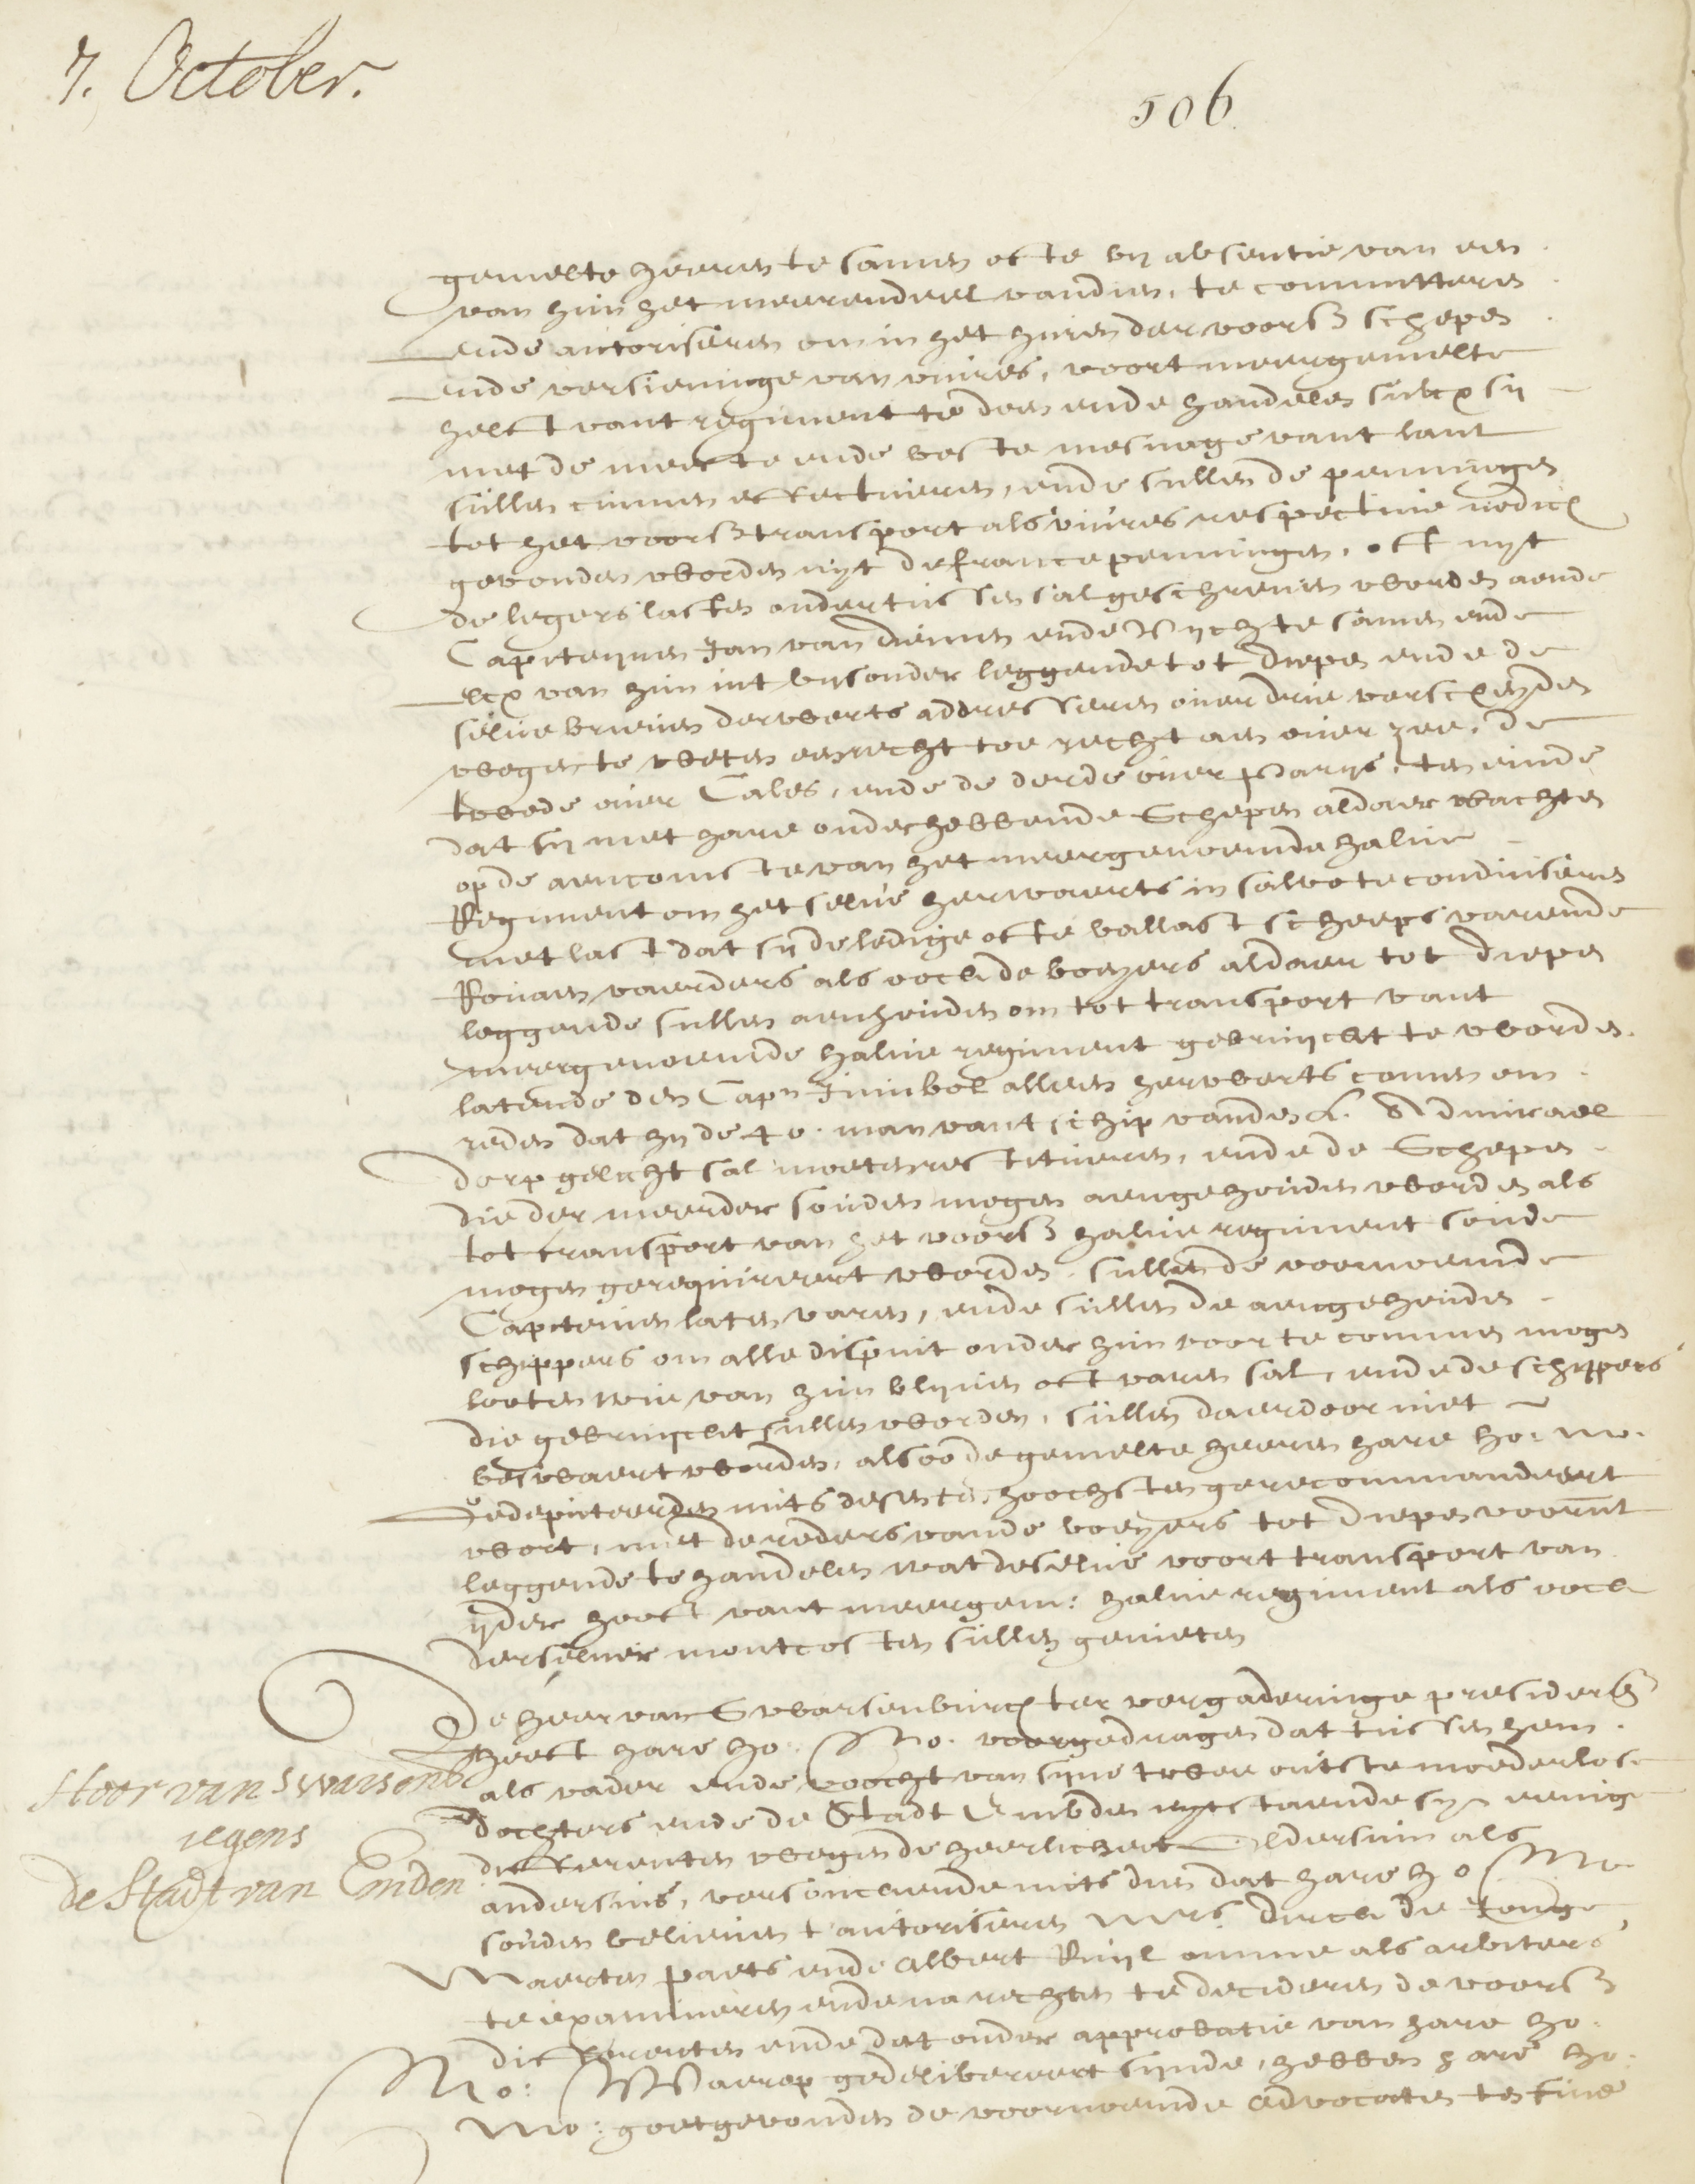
506.
7. October.
gemelte heeren te samen ofte by absentie van een
van hun het meerendeel vandien, te committeren
ende autoriseren om in het huren der voors schepen
ende versieninge van viures, voort meergemelte
helft vant regiment te doen ende handelen sulcx sy
met de meeste ende beste mesnage vant lant
sullen cunnen effectueren, ende sullen de penningen
tot het voors transport als viures respectiue nodich
gevonden worden uyt de france penningen, off uyt
de legerslasten ondertussen sal geschreuen worden aende
Capiteynen Jan van diemen ende Vych te samen ende
elcx van hun int bysonder leggende tot diepen ende de
selue brieuen derwerts addresseren ouer drie verscheyden
wegen te weten een recht toe recht aen ouer zee, de
twede ouer Cales, ende de derde ouer Parys, ten einde
dat sy met hare onderhebbende Schepen aldaer wachten
op de aencomste van het meergenoemde halue
Regiment om het selue herwaerts in selve te conduiseren
met last dat sy de ledige ofte ballast scheeps varende
Rouaen vaerders als oock de boeyers aldaer tot diepen
leggende sullen aenhouden om tot transport vant
meergenoemde halue regiment gebruyckt te worden.
latende den Capn Juinbol alleen herwerts comen om
reden dat hy de 40. man vant schip vanden L. Admirael
dorp gelicht sal moeten restitueren, ende de Schepen -
die der meerder souden mogen aengehouden worden als
tot transport van het voors halue regiment soude
mogen gerequireert worden, sullen de voornoemde
Capiteinen laten varen, ende sullen de aengehouden
schippers om alle dispuit onder hun voor te commen mogen
looten wie van hun blyuen off varen sal, ende de schippers
die gebruyckt sullen worden, sullen daerdoor niet
beswaert worden, alsoo de gemelte heeren hare Ho:Mo:
Gedeputeerden mits desen ten hoochsten gerecommandeert
wort, mit de reders vande boeyers tot diepen voornt
leggende te handelen wat deselue voort transport van
yder hooft vant meergem: halue regiment als oock
derseluer montcosten sullen genieten
Heer van Swarsenb.
iegens
de Stadt van Emnden
De heer van Swarsenburch ter vergaderinge presidere
heeft hare Ho:Mo: voorgedragen dat tussen hem
als vader ende voocht van syne twee outste moederlose
dochters ende de Stadt Embden uytstaende syn eenige
differenten wegen de heerlicheit Oldersum als
andersins, versouckende mits dien dat hare ho:Mo:
souden belieuen t'autoriseren mrs dirck de Jonge,
Maerten paets ende albert Ruyl omme als arbiters
te examineren ende na rechten te decideren de voors
differenten ende dat onder approbatie van hare Ho:
Mo: Waerop gedelibereert synde, hebben hare Ho:
Mo: goetgevonden de voornoemde advocaten ten fine
